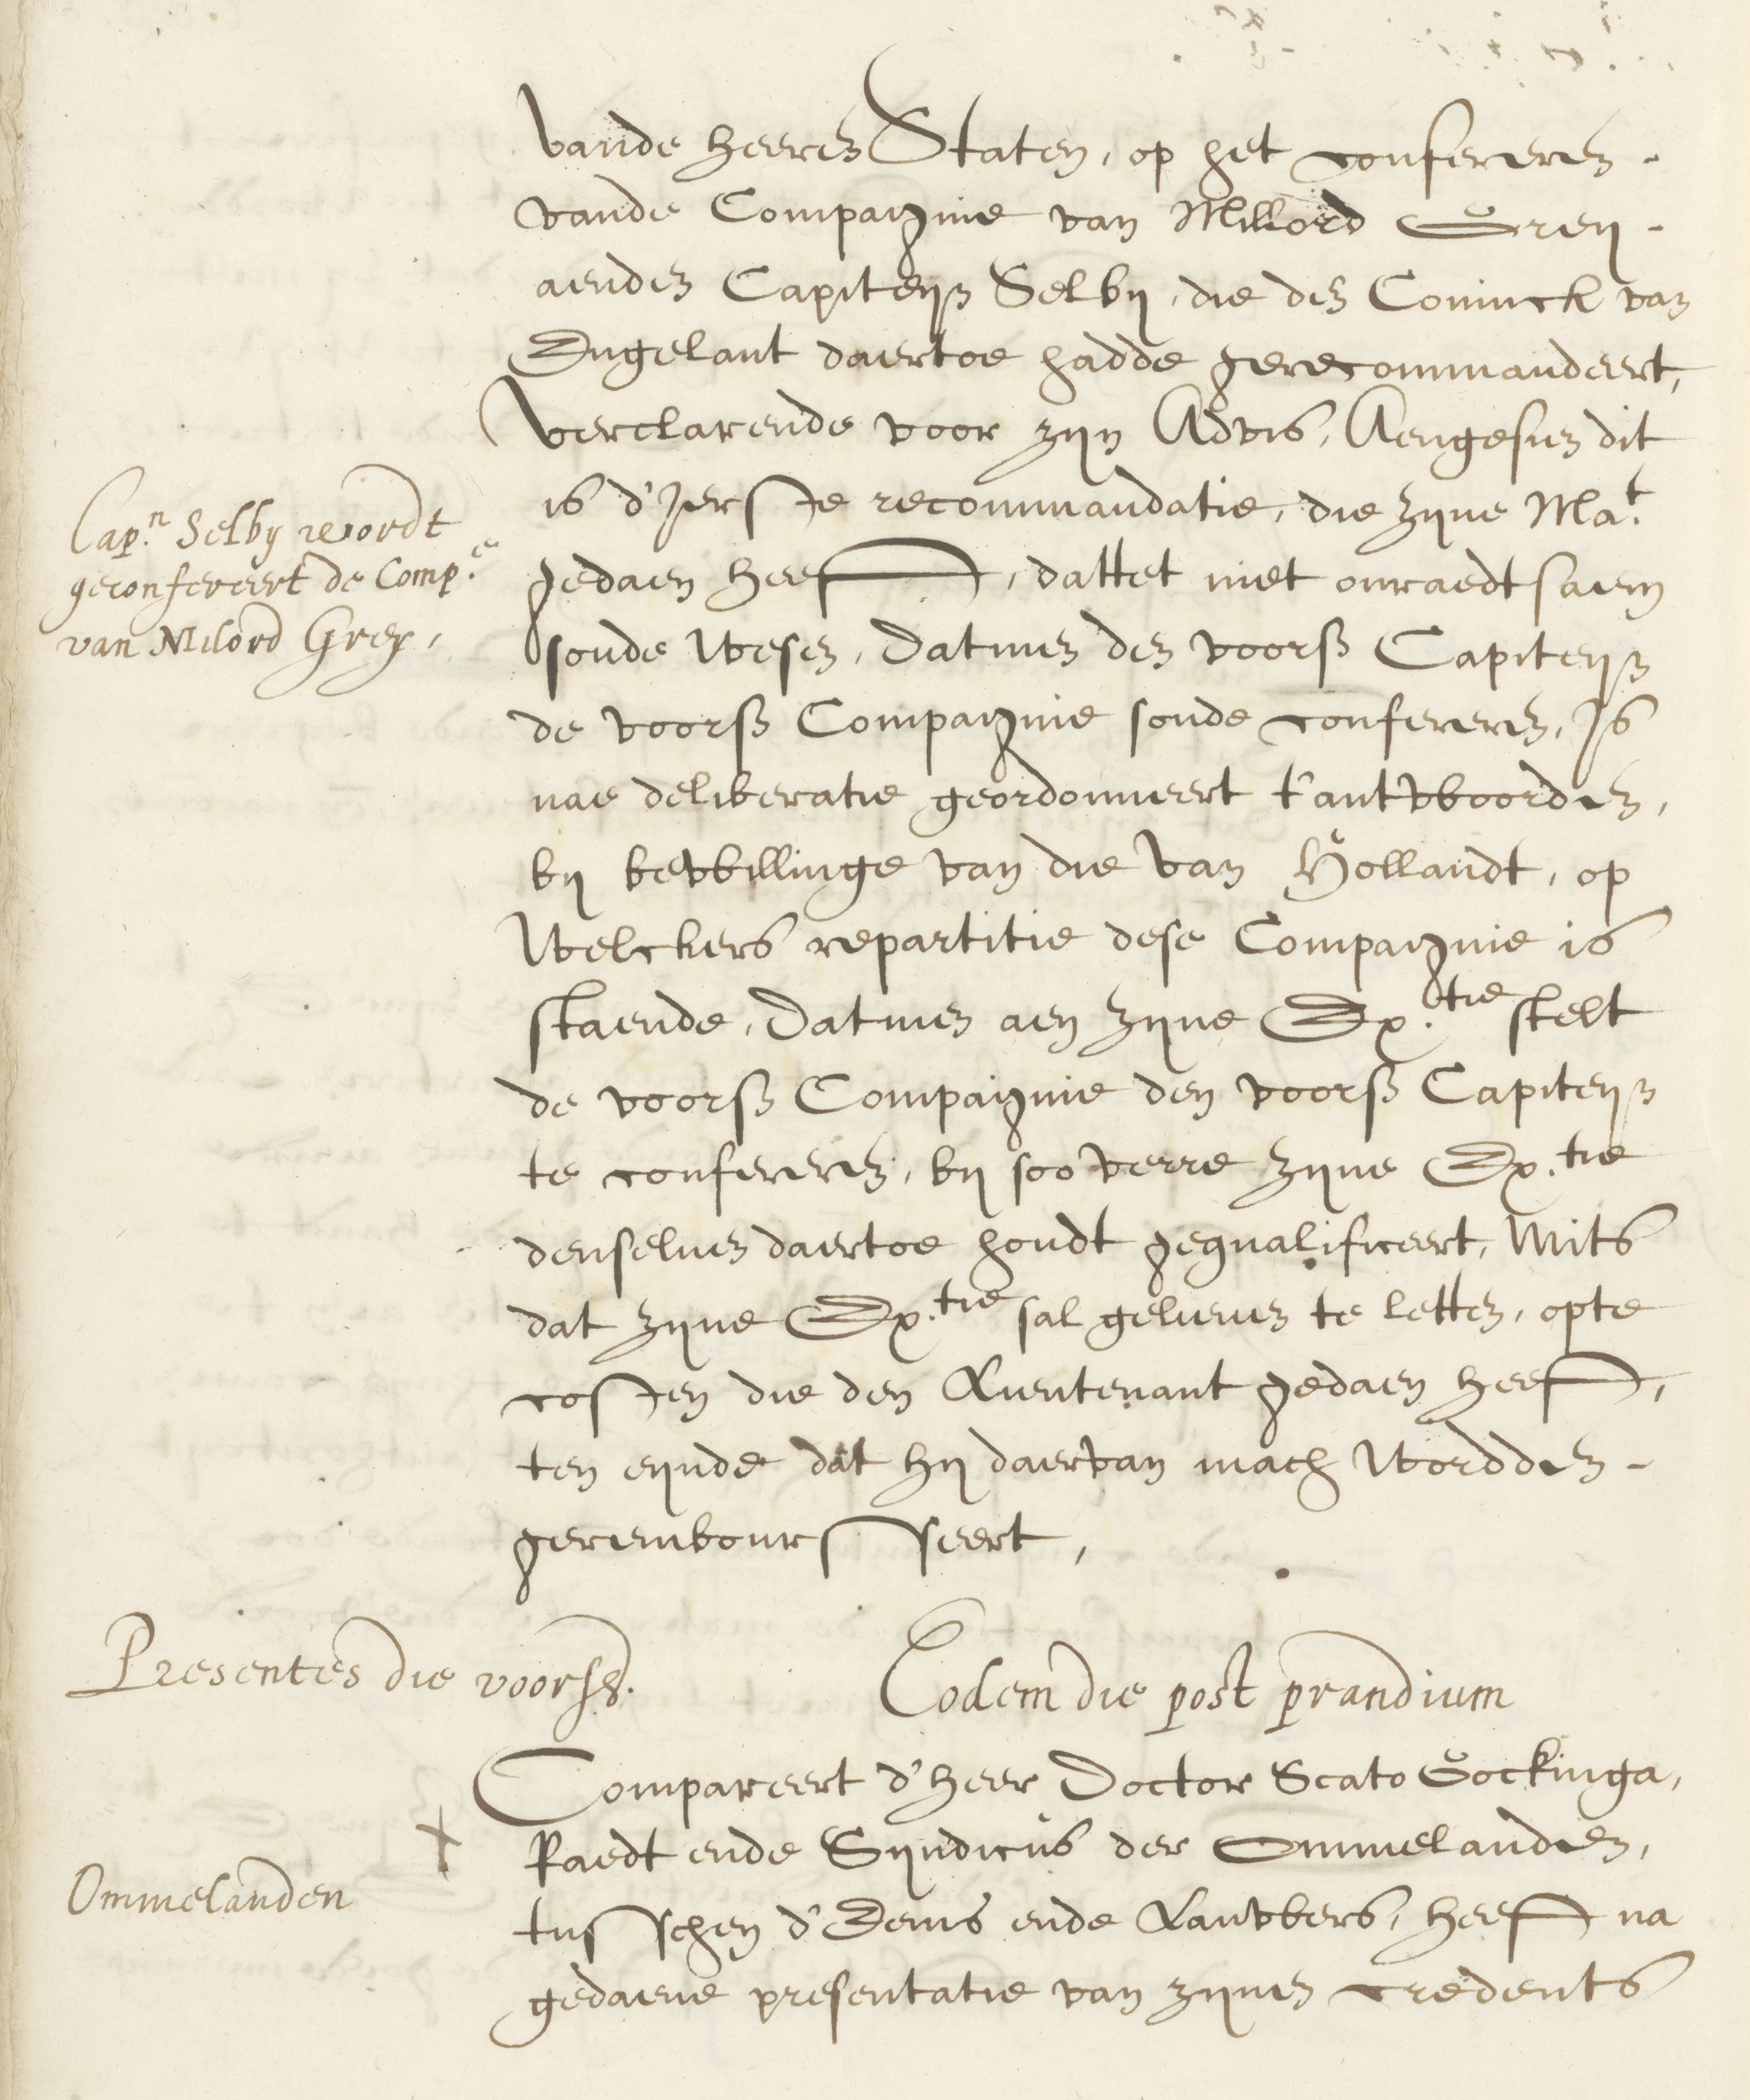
Capn. Selby wordt
geconfereert de Compe.
van Milord Grey.
vande heeren Staten, op het confereren
vande Compaignie van Millord Grey -
aenden Capiteyn Selby, die den Coninck van
Engelant daertoe hadde gerecommandeert,
verclarende voor zijn advis, aengesien dit
is d'Ierste recommandatie, die zyne Mat.
gedaen heeft, dattet niet omraedtsaem
soude wesen, datmen den voors Capiteyn
de voors Compaignie soude confereren, Is
nae deliberatie geordonneert t'antwoorden,
by bewillinge van die van Hollandt, op
welckers repartitie dese Compaignie is
staende, datmen aen zyne Extie stelt
de voors Compaignie den voors Capiteyn
te confereren, by soo verre zjne Extie
denseluen daertoe houdt gequalificeert, mits
dat zyne Extie sal gelieuen te letten, opte
costen die den Lieutenant gedaen heeft,
ten eynde dat hy daervan mach wordden
geremboursseert.
Eodem die post prandium
Presentes die voorss.
Ommelanden
Compareert d'heer Doctor Scato Gockinga,
Raedt ende Syndicus der Ommelanden,
tusschen d'Eems ende Lauwers, heeft na
gedaene presentatie van zijnen credents
